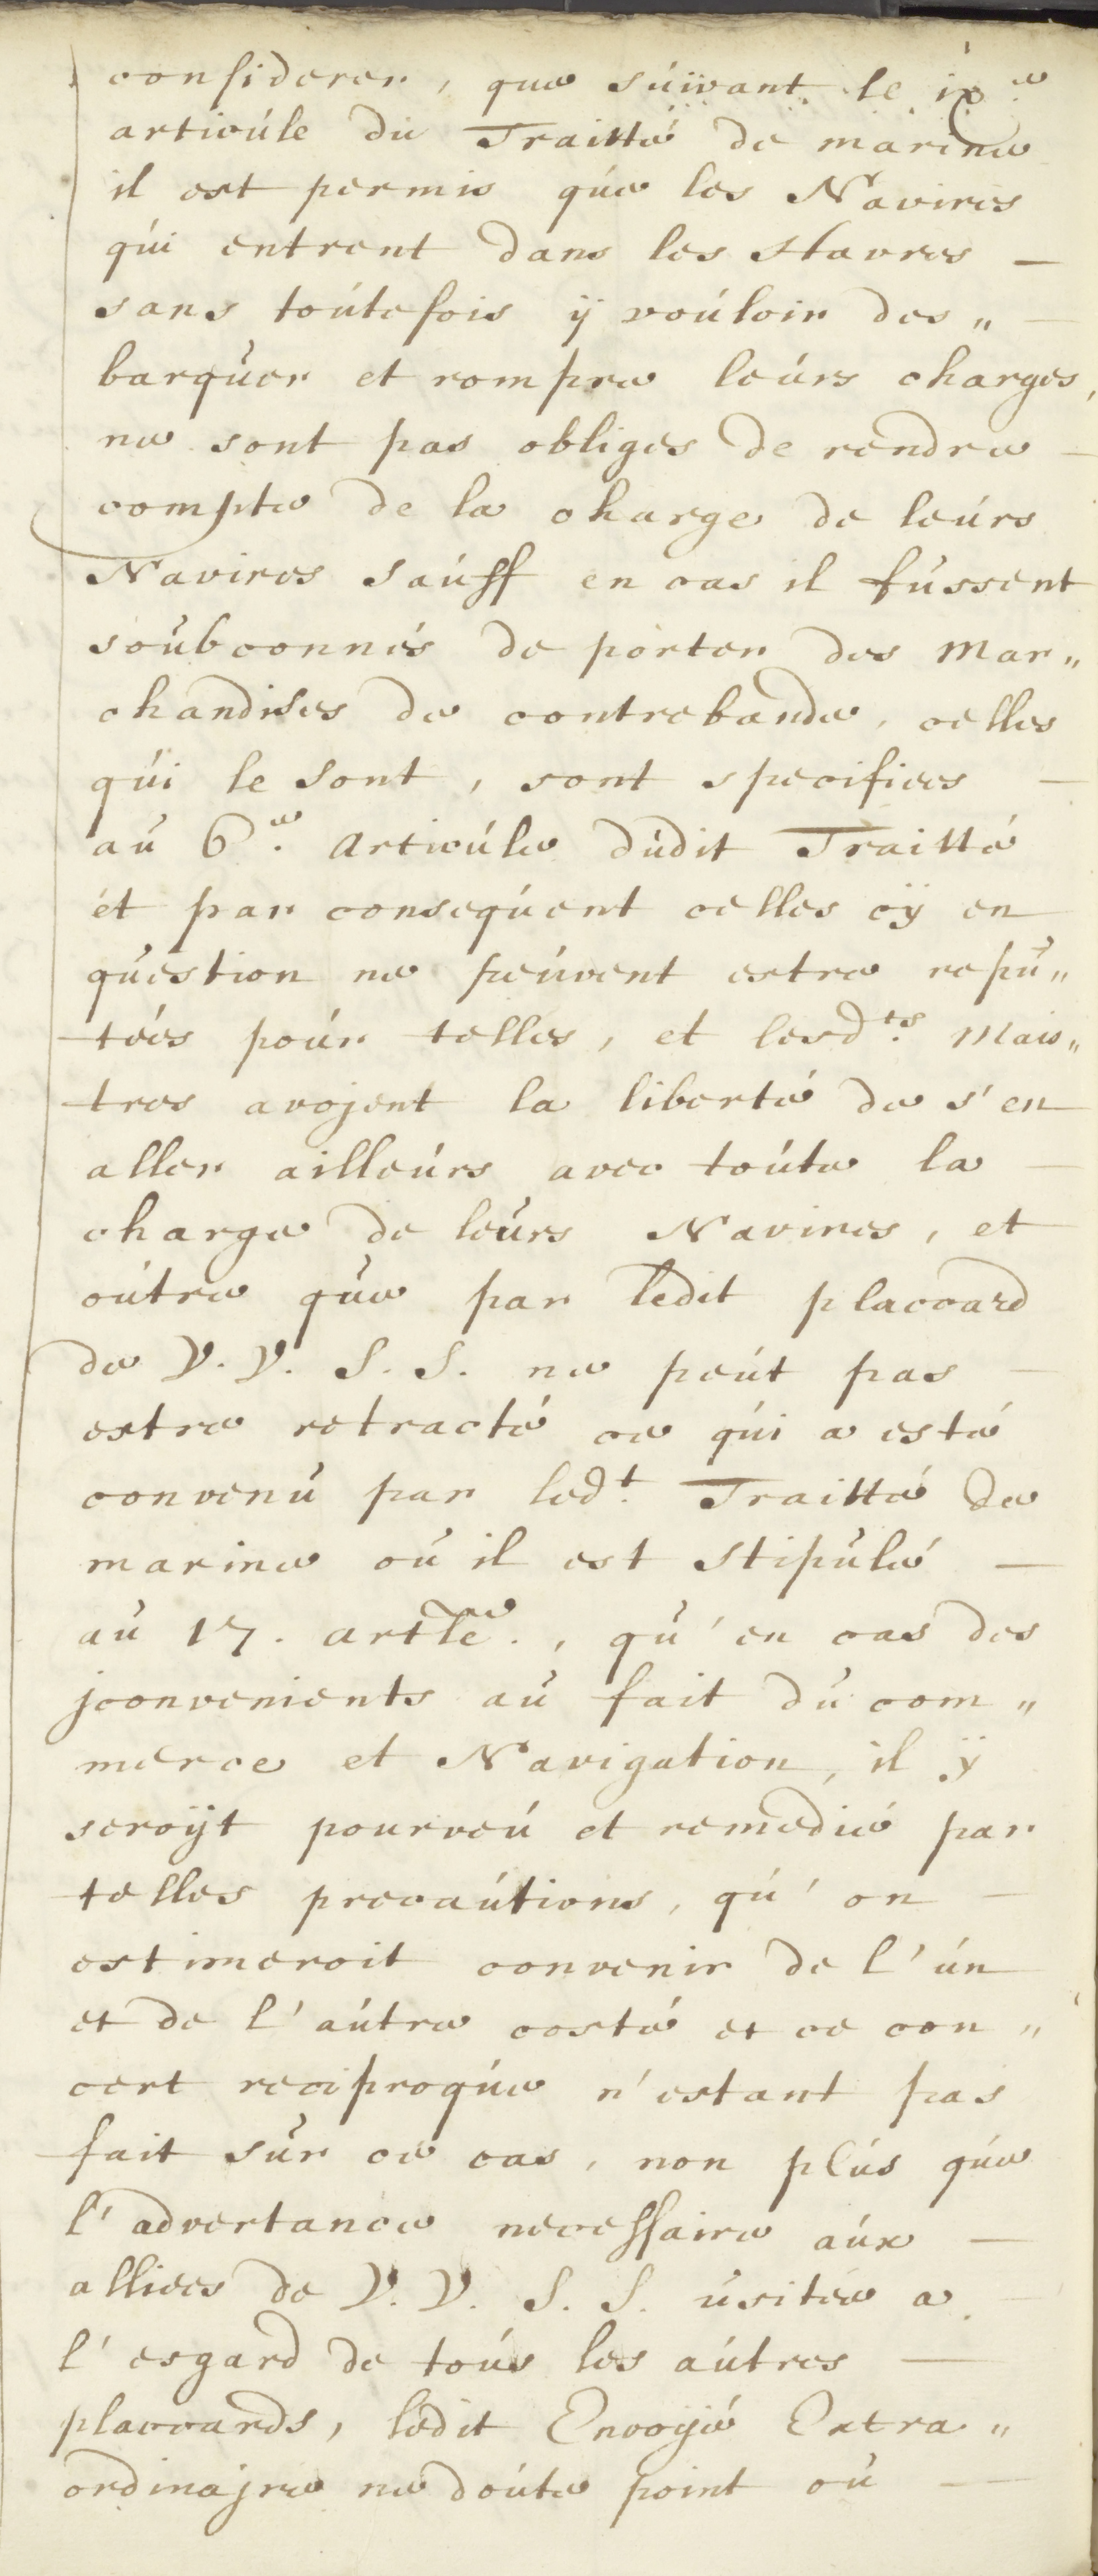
considerer, que suivant le ixe.
articule du Traitté de marine
il est permis que les Navires
qui entrent dans les Havres
sans toutefois ij vouloir des„
barquer et rompre leurs charges,
ne sont pas obliges de rendre
compte de la charge de leurs
Navires sauff en cas il fussent
soubconnés de porter des Mar„
chandises de contrebande, celles
qui le sont, sont specifiees
au 6e. Articule dudit Traitté
et par consequent celles cy en
question ne peuvent estre repu„
tées pour telles, et lesdts. Mais„
tres avojent la liberté de s‛en
aller ailleurs avec toute la
charge de leurs Navines, et
outre que par ledit placcard
de V.V. S. S. ne peut pas
estre retracté ce qui a esté
convenu par ledt. Traitté de
marine ou il est stipulé
au 17. artle., qu'en cas des
iconvenients au fait du com„
merce et Navigation, il ij
seroijt pourveu et remedié par
telles precautions, qu‛ on
estimeroit convenir de l‛un
et de l‛autre costé et ce con„
cert reciproque n'estant pas
fait sur ce cas, non plus que
l‛ advertance necessaire aux
alliees de V. V. S. S. usitee a
l‛ esgard de tous les autres
placcards, ledit Envoijé Extra„
ordinaire ne doute point ou
